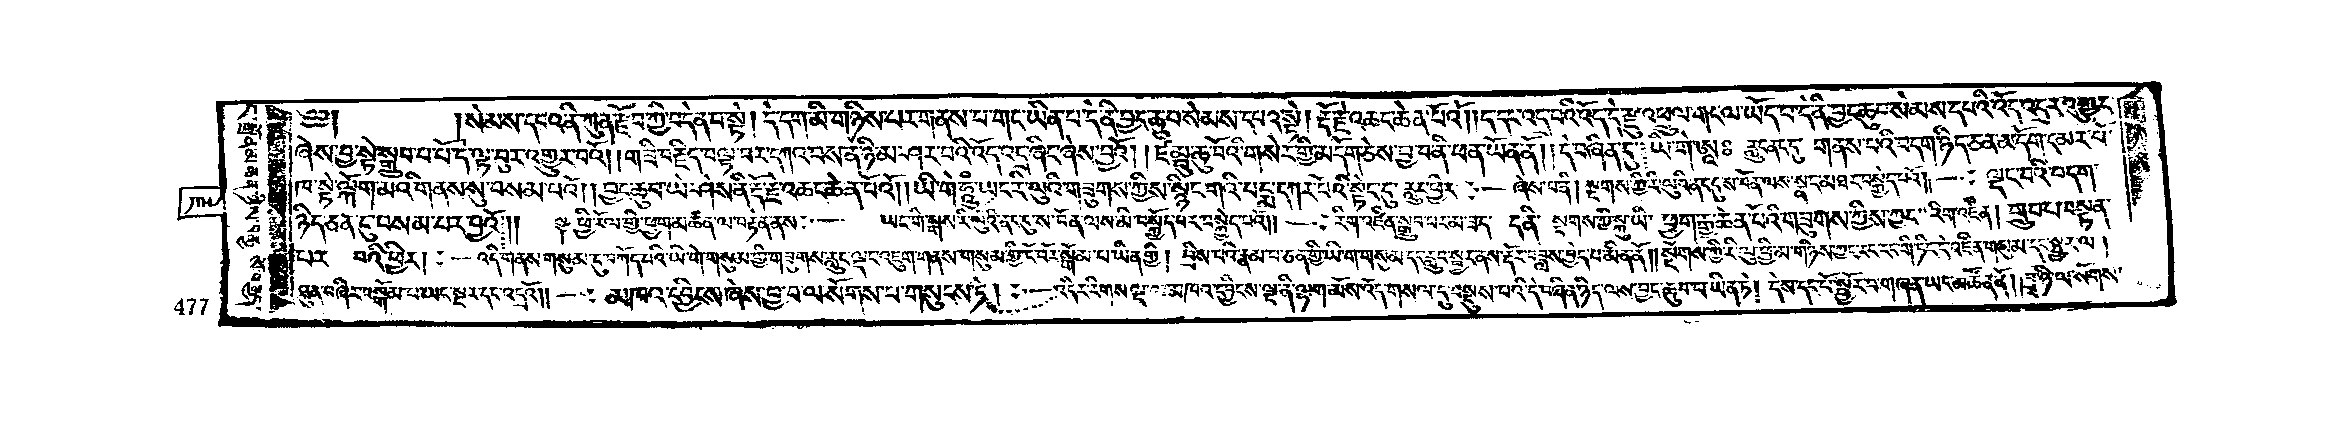༄༅། །སེམས་དཔའ་ནི་ཀུན་རྫོབ་ཀྱི་བདེན་པ་སྟེ། དེ་དག་མི་གཉིས་པར་གནས་པ་གང་ཡིན་པ་དེ་ནི་བྱང་ཆུབ་སེམས་དཔའ་སྟེ། རྡོ་རྗེ་འཆང་ཆེན་པོའོ། །དེ་དང་འདྲ་བའི་འོད་དེ་རྫུ་འཕྲུལ་གང་ལ་ཡོད་པ་དེ་ནི་བྱང་ཆུབ་སེམས་དཔའི་འོད་འདྲང་འགྱུར་
ཞེས་བྱ་སྟེ་སྒྲུབ་པ་པོ་དེ་ལྟ་བུར་འགྱུར་བའོ། །གཟི་བརྗིད་བལྟ་བར་དཀའ་བས་ན་ཉི་མ་ཤར་བའི་འོད་འདྲ་ཞིང་ཞེས་བྱའོ། །ཛམྦུ་ཆུ་བོའི་གསེར་གྱི་མདོག་ཅེས་བྱ་བ་ནི་ཕན་ཡོན་ནོ། །དེ་བཞིན་དུ་ཡི་གེ་ཨཱཿ རླུང་ནང་དུ་གནས་པའི་བདག་ཉིད་ཅན་མདོག་དམར་པོ་
ཁ་སྟེ་ལྐོག་མའི་གནས་སུ་བསམ་པའོ། །བྱང་ཆུབ་ཡེ་ཤེས་ནི་རྡོ་རྗེ་འཆང་ཆེན་པོའོ། །ཡི་གེ་ཧཱུཾ་ཡང་རི་ལུའི་གཟུགས་ཀྱིས་སྙིང་གའི་པདམ་དཀར་པོའི་སྟེང་དུ་རླུང་ཕྱིར་H.་ཞེས་པ་ནི། སྔགས་ཀྱི་རི་ལུའི་ནང་དུ་ས་བོན་ལས་སྣང་མཐར་བསྐྱེད་པའོ།། .H ལྡང་བའི་བདག་
ཉིད་ཅན་དུ་བསམ་པར་བྱའོ།། ༈ ཕྱི་རོལ་གྱི་ཕྱག་མཚན་ལ་བརྟེན་ནས་H.་ཡང་གི་སྒས་རི་ལུའི་ནང་དུ་ས་བོན་ལས་མི་བསྐྱོད་པར་བསྐྱེད་པའོ།། .H རིག་འཛིན་སྒྲུབ་པར་མ་ཟད་ད་ནི་སྔགས་ཀྱི་སྐུ་ཡི་ཕྱག་རྒྱ་ཆེན་པོའི་གཟུགས་ཀྱིས་ཀྱང་རིག་འཛིན། གྲུབ་པ་བསྟན་
པར་བྱ་བའི་ཕྱིར། H.་འདི་གནས་གསུམ་དུ་བཀོད་པའི་ཡི་གེ་གསུམ་གྱི་གཟུགས་རླུང་ལྡང་འཇུག་གནས་གསུམ་གྱི་ངོ་བོར་སྒོམ་པ་ཡིན་གྱི། བྲིས་པའི་རྣམ་པ་ཅན་གྱི་ཡིག་གསུམ་དང་རླུང་སྦྱར་ནས་རྡོར་བཟླས་བྱེད་པ་མིན་ནོ། །སྔགས་ཀྱི་རི་ལུ་ཕྱི་མ་གཉིས་ཀྱང་རང་རང་གི་ཏིང་ངེ་འཛིན་གསུམ་དང་སྦྱར་ལ།
ཐུན་བཞིར་བསྒོམ་པ་ཡང་སྔར་དང་འདྲའོ།། .H མཁའ་དབྱིངས་ཞེས་བྱ་བ་ལ་སོགས་པ་གསུངས་ཏེ། H.་འདིར་རིགས་ལྔ་ལ་མཁའ་དབྱིངས་ལྔ་ནི་ལྷག་མོས་འོད་གསལ་དུ་བསྡུས་པའི་དེ་བཞིན་ཉིད་ལས་བྱང་ཆུབ་པ་ཡིན་ཏེ། དེས་དང་པོ་སྦྱོར་བ་གཞན་ཡང་མཚོན་ནོ། །ཟླ་ཉི་ལ་སོགས་